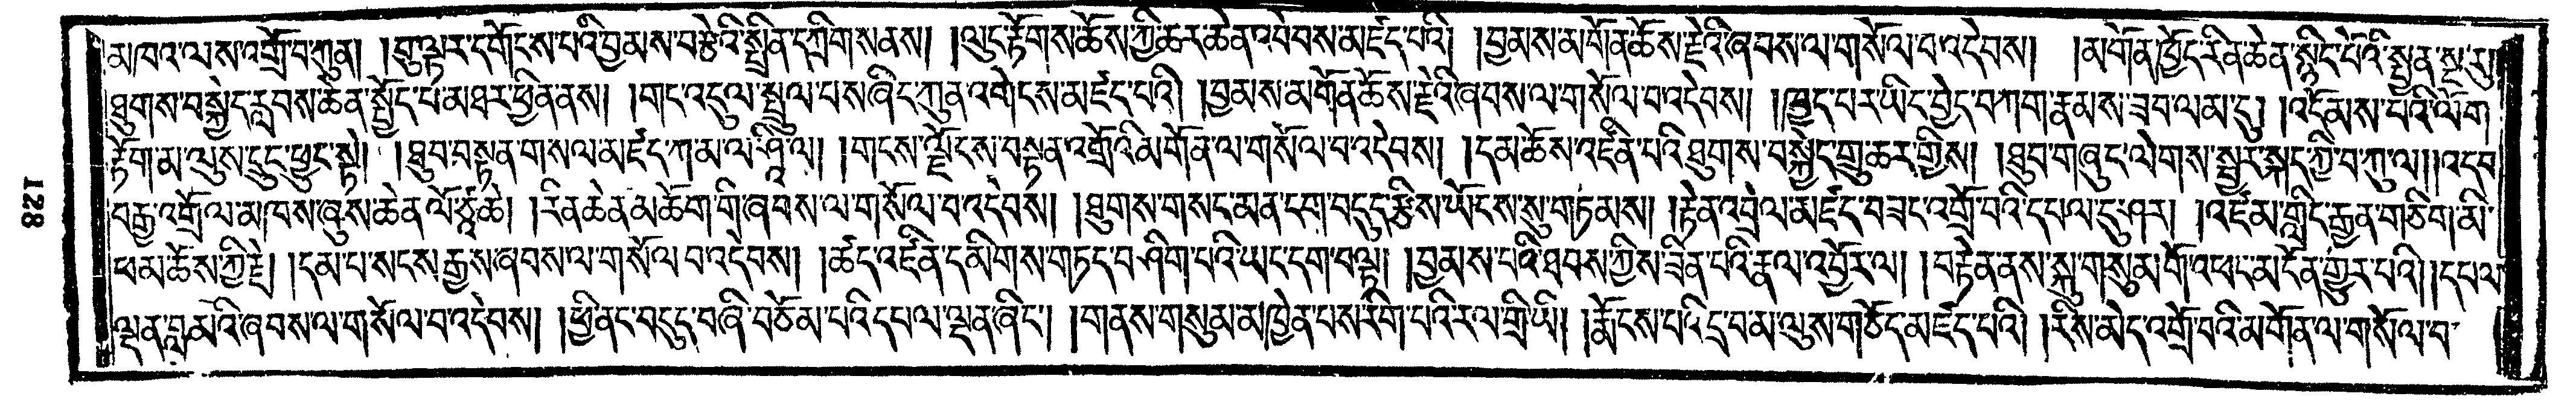མཁའ་ལས་འགྲོ་བ་ཀུན། །བུ་ལྟར་དགོངས་པའི་བྱམས་བརྩེའི་སྤྲིན་དཀྲིགས་ནས། །ལུང་རྟོགས་ཆོས་ཀྱི་ཆར་ཆེན་འབེབས་མཛད་པའི། །བྱམས་མགོན་ཆོས་རྗེའི་ཞབས་ལ་གསོལ་བ་འདེབས། །མགོན་ཁྱོད་རིན་ཆེན་སྙིང་པོའི་སྤྱན་སྔ་རུ།
ཐུགས་བསྐྱེད་རླབས་ཆེན་སྤྱོད་པ་མཐར་ཕྱིན་ནས། །གང་འདུལ་སྤྲུལ་བས་ཞིང་ཀུན་འགེངས་མཛད་པའི། །བྱམས་མགོན་ཆོས་རྗེའི་ཞབས་ལ་གསོལ་བ་འདེབས། །ཁྱད་པར་ཡིད་བྱེད་བཀག་རྣམས་ཟབ་ལམ་དུ། །འདོམས་པའི་ལོག་
རྟོག་མ་ལུས་དྲུང་ཕྱུང་སྟེ། །ཐུབ་བསྟན་གསལ་མཛད་ཀ་མ་ལ་ཤཱི་ལ། །གངས་ལྗོངས་བསྟན་འགྲོའི་མགོན་ལ་གསོལ་བ་འདེབས། །དམ་ཆོས་འཛིན་པའི་ཐུགས་བསྐྱེད་གྲུ་ཆར་གྱིས། །ཐུབ་གཞུང་ལེགས་སྦྱར་སྐད་ཀྱི་བ་ཀུ་ལ། །འདབ་
བརྒྱ་འགྲོལ་མཁས་ཞུས་ཆེན་ལོ་ཙཱ་ཆེ། །རིན་ཆེན་མཆོག་གི་ཞབས་ལ་གསོལ་བ་འདེབས། །ཐུགས་གསང་མན་ངག་བདུད་རྩིས་ཡོངས་སུ་གཏམས། །རྟེན་འབྲེལ་མཛད་བཟང་འགྲོ་བའི་དཔལ་དུ་ཤར། །འཛམ་གླིང་རྒྱན་གཅིག་མི་
ཕམ་ཆོས་ཀྱི་རྗེ། །དམ་པ་སངས་རྒྱས་ཞབས་ལ་གསོལ་བ་འདེབས། །ཚད་འཛིན་དམིགས་གཏད་བཤིག་པའི་ཡང་དག་བལྟ། །བྱམས་པའི་ཐབས་ཀྱིས་ཟིན་པའི་རྣལ་འབྱོར་ལ། །བརྟེན་ནས་སྐུ་གསུམ་གོ་འཕང་མངོན་གྱུར་པའི། །དཔལ་
ལྡན་བླ་མའི་ཞབས་ལ་གསོལ་བ་འདེབས། །ཕྱི་ནང་བདུད་བཞི་བཅོམ་པའི་དཔལ་ལྡན་ཞིང་། །གནས་གསུམ་མཁྱེན་པས་རིག་པའི་རལ་གྲི་ཡི། །རྨོངས་པའི་དྲ་བ་མ་ལུས་གཅོད་མཛད་པའི། །རིས་མེད་འགྲོ་བའི་མགོན་ལ་གསོལ་བ་